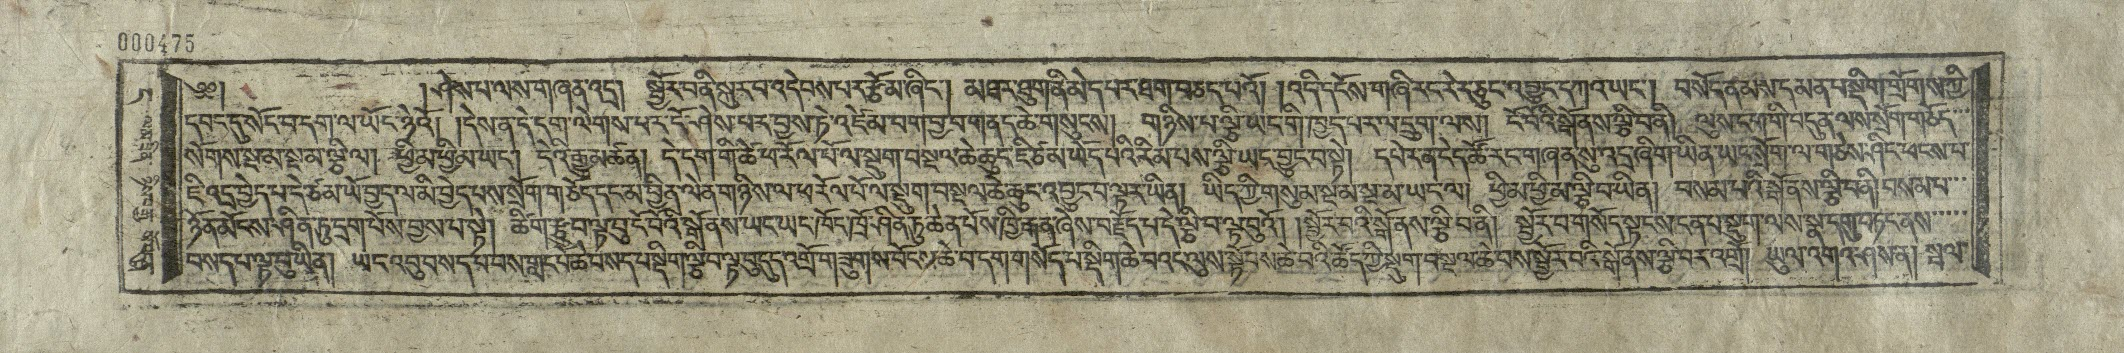༄༅། །ཤེས་པ་ལས་གཞན་འདྲ། སྦྱོར་བ་ནི་སྐུར་བ་འདེབས་པར་རྩོམ་ཞིང་། མཐར་ཐུག་ནི་མེད་པར་ཐག་བཅད་པའོ། །འདི་དངོས་གཞི་རང་རེར་ཅུང་འབྱུང་དཀའ་ཡང་། བསོད་ནམས་དམན་པ་སྡིག་གྲོགས་ཀྱི་
དབང་དུ་སོང་བ་དག་ལ་ཡོང་ཉེའོ། །དེས་ན་དེ་དག་ལེགས་པར་ངོ་ཤེས་པར་བྱས་ཏེ་འཛེམ་བག་བྱ་བ་གནད་ཆེ་གསུངས། གཉིས་པ་ལྕི་ཡང་གི་ཁྱད་པར་ལ་དྲུག་ལས། ངོ་བོའི་སྒོ་ནས་ལྕི་བ་ནི། ལུས་ངག་གི་བདུན་ལས་སྲོག་གཅོད་
སོགས་སྔ་མ་སྔ་མ་ལྕི་ལ། ཕྱི་མ་ཕྱི་མ་ཡང་། དེའི་རྒྱུ་མཚན། དེ་དག་གི་ཚེ་ཕ་རོལ་པོ་ལ་སྡུག་བསྔལ་ཆེ་ཆུང་ཇི་ཙམ་ཡོད་པའི་རིམ་པས་ལྕི་ཡང་བྱུང་བ་སྟེ། དཔེར་ན་ངེད་ཚོ་རང་གཞན་སུ་འདྲ་ཞིག་ཡིན་ཡང་སྲོག་ལ་གཅེས་ཤིང་ཕངས་པ་
ཇི་འདྲ་བྱེད་པ་དེ་ཙམ་ཡོ་བྱད་ལ་མི་བྱེད་པས་སྲོག་གཅོད་དང་མ་བྱིན་ལེན་གཉིས་ལ་ཕ་རོལ་པོ་ལ་སྡུག་བསྔལ་ཆེ་ཆུང་འབྱུང་བ་ལྟར་ཡིན། ཡིད་ཀྱི་གསུམ་སྔ་མ་སྔ་མ་ཡང་ལ། ཕྱི་མ་ཕྱི་མ་ལྕི་བ་ཡིན། བསམ་པའི་སྒོ་ནས་ལྕི་བ་ནི། བསམ་པ་
ཉོན་མོངས་ཤིན་ཏུ་དྲག་པོས་བྱས་པ་སྟེ། ཚིག་རྩུབ་ལྟ་བུ་ངོ་བོའི་སྒོ་ནས་ཡང་ཡང་ཁོང་ཁྲོ་ཤིན་ཏུ་ཆེན་པོས་ཁྱི་རྒན་ཞེས་བརྗོད་པ་དེ་ལྕི་བ་ལྟ་བུའོ། །སྦྱོར་བའི་སྒོ་ནས་ལྕི་བ་ནི། སྦྱོར་བ་གསོད་སྟངས་ངན་པ་སྡུག་ལས་སྣ་དགུ་བཏང་ནས་
བསད་པ་ལྟ་བུ་ཡིན། ཡང་འབུ་བསད་པ་བས་གླང་པོ་ཆེ་བསད་པ་སྡིག་ལྕི་བ་ལྟ་བུ་དུད་འགྲོ་གཟུགས་བོངས་ཆེ་བ་དག་གསོད་པ་སྡིག་ཆེ་བའང་ལུས་སྟོབས་ཆེ་བའི་ཚོད་ཀྱི་སྡུག་བསྔལ་ཆེ་བས་སྦྱོར་བའི་སྒོ་ནས་ལྕི་བར་འགྲོ། ཡུལ་འགའ་ཤས་ན། སྦལ་